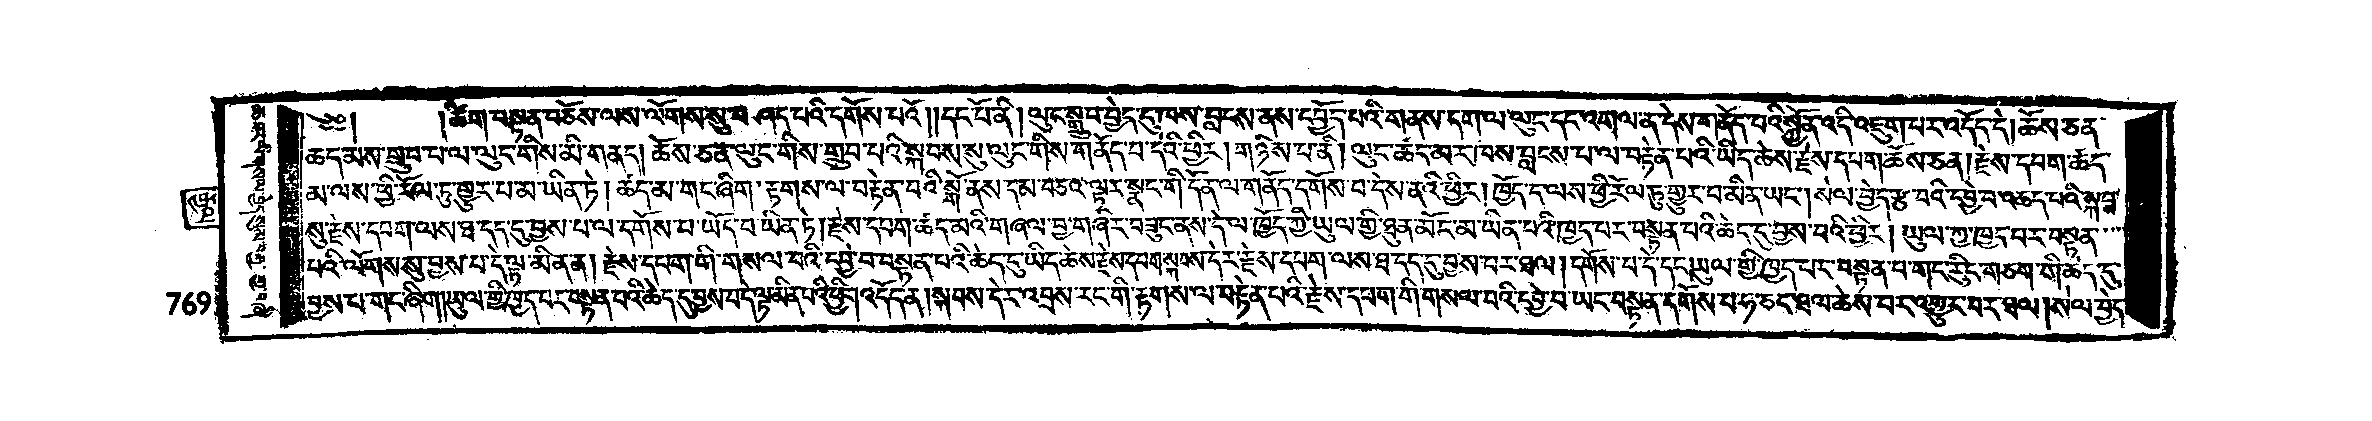༄༅། །ཚིག་བསྟན་བཅོས་ལས་ལོགས་སུ་བཤད་པའི་དགོས་པའོ། །དང་པོ་ནི། ལུང་སྒྲུབ་བྱེད་དུ་ཁས་བླངས་ནས་དཔྱོད་པའི་གནས་དག་ལ་ལུང་དང་འགལ་ན་དེས་གནོད་པའི་སྐྱོན་འདི་འཇུག་པར་འདོད་དེ། ཆོས་ཅན་
ཚད་མས་གྲུབ་པ་ལ་ལུང་གིས་མི་གནད། ཆོས་ཅན་ལུང་གིས་གྲུབ་པའི་སྐབས་སུ་ལུང་གིས་གནོད་པ་དེའི་ཕྱིར། གཉིས་པ་ནི། ལུང་ཚད་མར་ཁས་བླངས་པ་ལ་བརྟེན་པའི་ཡིད་ཆེས་རྗེས་དཔག་ཆོས་ཅན། རྗེས་དཔག་ཚད་
མ་ལས་ཕྱི་རོལ་ཏུ་གྱུར་པ་མ་ཡིན་ཏེ། ཚད་མ་གང་ཞིག་རྟགས་ལ་བརྟེན་པའི་སྒོ་ནས་དམ་བཅའ་ལྟར་སྣང་གི་དོན་ལ་གནོད་དགོས་པ་དེས་ནའི་ཕྱིར། ཁྱོད་དེ་ལས་ཕྱི་རོལ་ཏུ་གྱུར་ཨ་མིན་ཡང་། སེལ་བྱེད་རྩ་བའི་དབྱེ་བ་འཆད་པའི་སྐབས་
སུ་རྗེས་དཔག་ལས་ཐ་དད་དུ་བྱས་པ་ལ་དགོས་པ་ཡོད་པ་ཡིན་ཏེ། རྗེས་དཔག་ཚད་མའི་གཞལ་བྱ་གཞིར་བཟུང་ནས་དེ་ལ་ཁྱོད་ཀྱི་ཡུལ་གྱི་ཐུན་མོང་མ་ཡིན་པའི་ཁྱད་པར་བསྟན་པའི་ཆེད་དུ་བྱས་པའི་ཕྱིར། ཡུལ་ཀྱི་ཁྱད་པར་བསྟན་
པའི་ལོགས་སུ་བྱས་པ་དེ་ལྟ་མིན་ན། རྗེས་དཔག་གི་གསལ་བའི་དབྱེ་བ་བསྟན་པའི་ཆེད་དུ་ཡིད་ཆེས་རྗེས་དཔག་སྐབས་དེར་རྗེས་དཔག་ལས་ཐ་དད་དུ་བྱས་པར་ཐལ། དགོས་པ་དེ་དང་ཡུལ་གྱི་ཁྱད་པར་བསྟན་པ་གང་རུང་གཅིག་གི་ཆེད་དུ་
བྱས་པ་གང་ཞིག །ཡུལ་གྱི་ཁྱད་པར་བསྟན་པའི་ཆེད་དུ་བྱས་པ་དེ་ལྟ་མིན་པའི་ཕྱིར། འདོད་ན། སྐབས་དེར་འབྲས་རང་གི་རྟགས་ལ་བརྟེན་པའི་རྗེས་དཔག་གི་གསལ་བའི་དབྱེ་བ་ཡང་བསྟན་དགོས་པ་ཧ་ཅང་ཐལ་ཆེས་པར་འགྱུར་བར་ཐལ། སེལ་བྱེད་